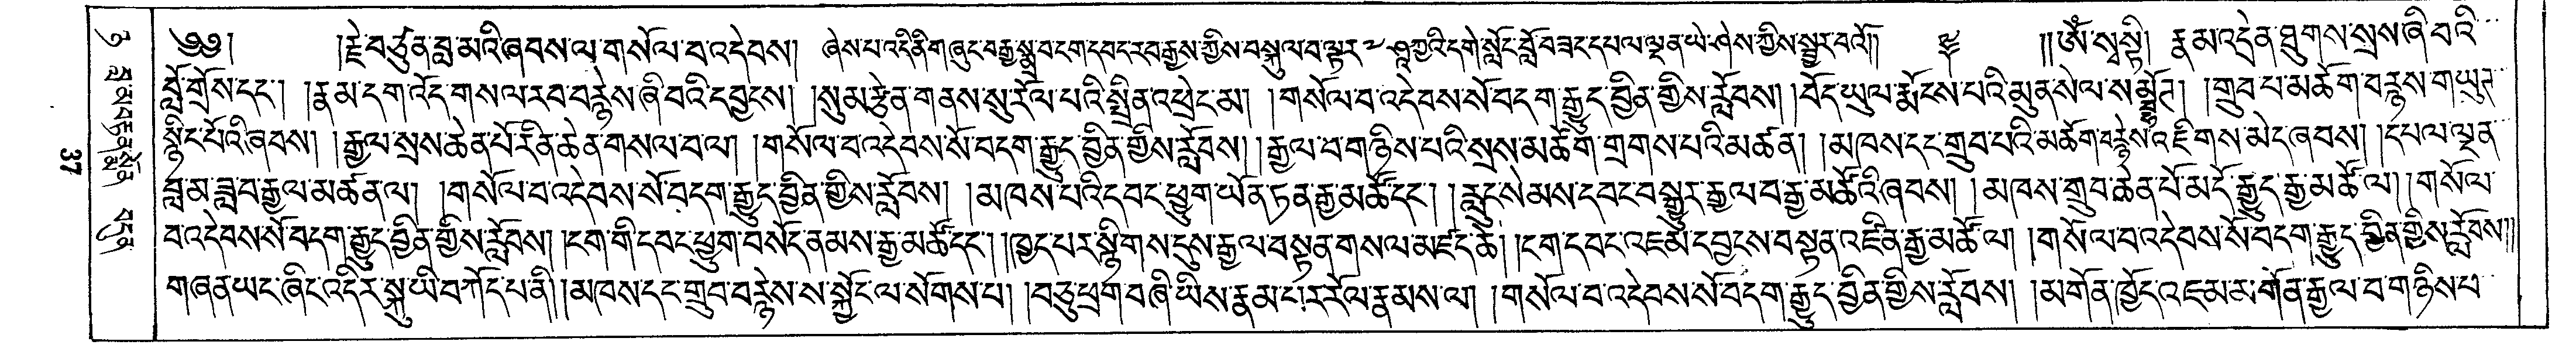༄༅། །རྗེ་བཙུན་བླ་མའི་ཞབས་ལ་གསོལ་བ་འདེབས། ཞེས་པ་འདི་ནི་གཞུང་བརྒྱ་སྨྲ་བ་ངག་དབང་རབ་རྒྱས་ཀྱིས་བསྐུལ་བ་ལྟར ༧ཤཱཀྱའི་དགེ་སློང་བློ་བཟང་དཔལ་ལྡན་ཡེ་ཤེས་ཀྱིས་སྦྱར་བའོ།། ༈ །།ཨོཾ་སྭ་སྟི། རྣམ་འདྲེན་ཐུགས་སྲས་ཞི་བའི་
བློ་གྲོས་དང་། །རྣམ་དག་འོད་གསལ་རབ་བརྙེས་ཞི་བའི་དབྱངས། །སུམ་རྩེན་གནས་སུ་རོལ་པའི་སྤྲིན་འཕྲེང་མ། །གསོལ་བ་འདེབས་སོ་བདག་རྒྱུད་བྱིན་གྱིས་རློབས། །བོད་ཡུལ་རྨོངས་བའི་མུན་སེལ་སམྦྷོཊ། །གྲུབ་པ་མཆོག་བརྙེས་གཡུཊ་
སྙིང་པོའི་ཞབས། །རྒྱལ་སྲས་ཆེན་པོ་རིན་ཆེན་གསལ་བ་ལ། །གསོལ་བ་འདེབས་སོ་བདག་རྒྱུད་བྱིན་གྱིས་རློབས། །རྒྱལ་བ་གཉིས་པའི་སྲས་མཆོག་གྲགས་པའི་མཚན། །མཁས་དང་གྲུབ་པའི་མཆོག་བརྙེས་འཇིགས་མེད་ཞབས། །དཔལ་ལྡན་
བླ་མ་ཟླ་བ་རྒྱལ་མཚན་ལ། །གསོལ་བ་འདེབས་སོ་བདག་སོ་བདག་རྒྱུད་བྱིན་གྱིས་རློབས། །མཁས་པའི་དབང་ཕྱུག་ཡོན་ཏན་རྒྱ་མཚོ་དང་། །རླུང་སེམས་དབང་བསྒྱུར་རྒྱལ་བ་རྒྱ་མཚོའི་ཞབས། །མཁས་གྲུབ་ཆེན་པོ་མདོ་རྒྱུད་རྒྱ་མཚོ་ལ། །གསོལ་
བ་འདེབས་སོ་བདག་རྒྱུད་བྱིན་གྱིས་རློབས། །ངག་གི་དབང་ཕྱུག་བསོད་ནམས་རྒྱ་མཚོ་དང་། །ཁྱད་པར་སྙིགས་དུས་རྒྱལ་བསྟན་གསལ་མཛད་ཆེ། །ངག་དབང་འཇམ་དབྱངས་བསྟན་འཛིན་རྒྱ་མཚོ་ལ། །གསོལ་བ་འདེབས་སོ་བདག་རྒྱུད་བྱིན་གྱིས་རློབས་
གཞན་ཡང་ཞིང་འདིར་སྐུ་ཡི་བཀོད་པ་ནི། །མཁས་དང་གྲུབ་བརྙེས་ས་སྐྱོང་ལ་སོགས་པ། །བཅུ་ཕྲག་བཞི་ཡིས་རྣམ་པར་རོལ་རྣམས་ལ། །གསོལ་བ་འདེབས་སོ་བདག་རྒྱུད་བྱིན་གྱིས་རློབས། །མགོན་ཁྱོད་འཇམ་མགོན་རྒྱལ་བ་གཉིས་པ་